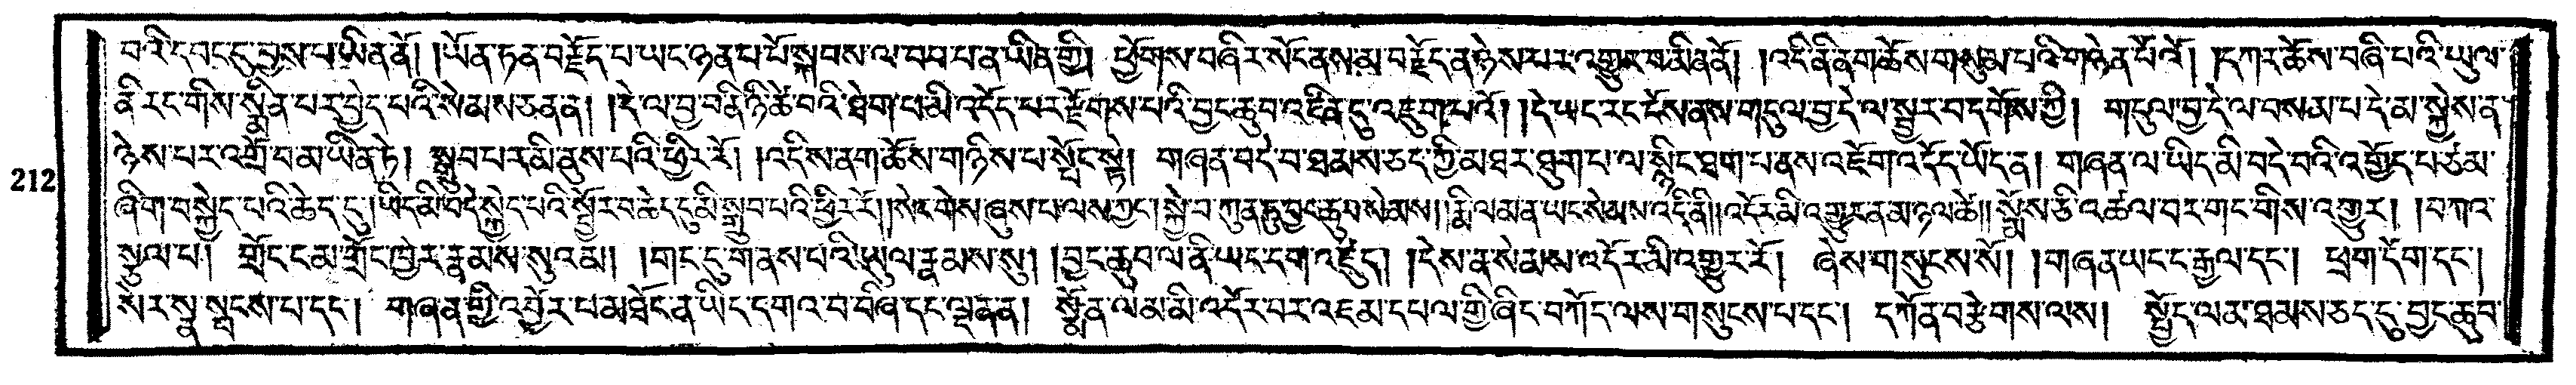བའི་དབང་དུ་བྱས་པ་ཡིན་ནོ། །ཡོན་ཏན་བརྗོད་པ་ཡང་ཉན་པ་པོ་སྐབས་ལ་བབ་པ་ན་ཡིན་གྱི། ཕྱོགས་བཞིར་སོང་ནས་མ་བརྗོད་ན་ཉེས་པར་འགྱུར་བ་མིན་ནོ། །འདི་ནི་ནག་ཆོས་གསུམ་པའི་གཉེན་པོའོ། །དཀར་ཆོས་བཞི་པའི་ཡུལ་
ནི་རང་གིས་སྨིན་པར་བྱེད་པའི་སེམས་ཅན་ན། །དེ་ལ་བྱ་བ་ནི་ཉི་ཚེ་བའི་ཐེག་པ་མི་འདོད་པར་རྫོགས་པའི་བྱང་ཆུབ་འཛིན་དུ་འཇུག་པའོ། །དེ་ཡང་རང་ངོས་ནས་གདུལ་བྱ་དེ་ལ་སྦྱར་བ་དགོས་ཀྱི། གདུལ་བྱ་དེ་ལ་བསམ་པ་དེ་མ་སྐྱེས་ན་
ཉེས་པར་འགྲོ་བ་མ་ཡིན་ཏེ། སྒྲུབ་པར་མི་ནུས་པའི་ཕྱིར་རོ། །འདིས་ནག་ཆོས་གཉིས་པ་སྤོང་སྟེ། གཞན་བདེ་བ་ཐམས་ཅད་ཀྱི་མཐར་ཐུག་པ་ལ་སྙིང་ཐག་པ་ནས་འཇོག་འདོད་ཡོད་ན། གཞན་ལ་ཡིད་མི་བདེ་བའི་འགྱོད་པ་ཙམ་
ཞིག་བསྐྱེད་པའི་ཆེད་དུ། ཡིད་མི་བདེ་སྐྱེད་པའི་སྦྱོར་བ་ཆེད་དུ་མི་སྒྲུབ་པའི་ཕྱིར་རོ། །སེར་གེས་ཞུས་པ་ལས་ཀྱང་། སྐྱེ་བ་ཀུན་ཏུ་བྱང་ཆུབ་སེམས། །རྨི་ལམ་ན་ཡང་སེམས་འདི་ནི། །འདོར་མི་འགྱུར་ན་མ་ཉལ་ཚེ། །སྨོས་ཅི་འཚལ་བར་གང་གིས་འགྱུར། །བཀའ་
སྩལ་པ། གྲོང་ངམ་གྲོང་ཁྱེར་རྣམས་སུའམ། །གང་དུ་གནས་པའི་ཡུལ་རྣམས་སུ། །བྱང་ཆུབ་ལ་ནི་ཡང་དག་འཛུད། །དེས་ན་སེམས་འདོར་མི་འགྱུར་རོ། ཞེས་གསུངས་སོ། །གཞན་ཡང་ང་རྒྱལ་དང་། ཕྲག་དོག་དང་།
སེར་སྣ་སྤངས་པ་དང་། གཞན་གྱི་འབྱོར་པ་མཐོང་ན་ཡིད་དགའ་བ་བཞི་དང་ལྡན་ན། སྨོན་ལམ་མི་འདོར་བར་འཇམ་དཔལ་གྱི་ཞིང་བཀོད་ལས་གསུངས་པ་དང་། དཀོན་བརྩེགས་ལས། སྤྱོད་ལམ་ཐམས་ཅད་དུ་བྱང་ཆུབ་